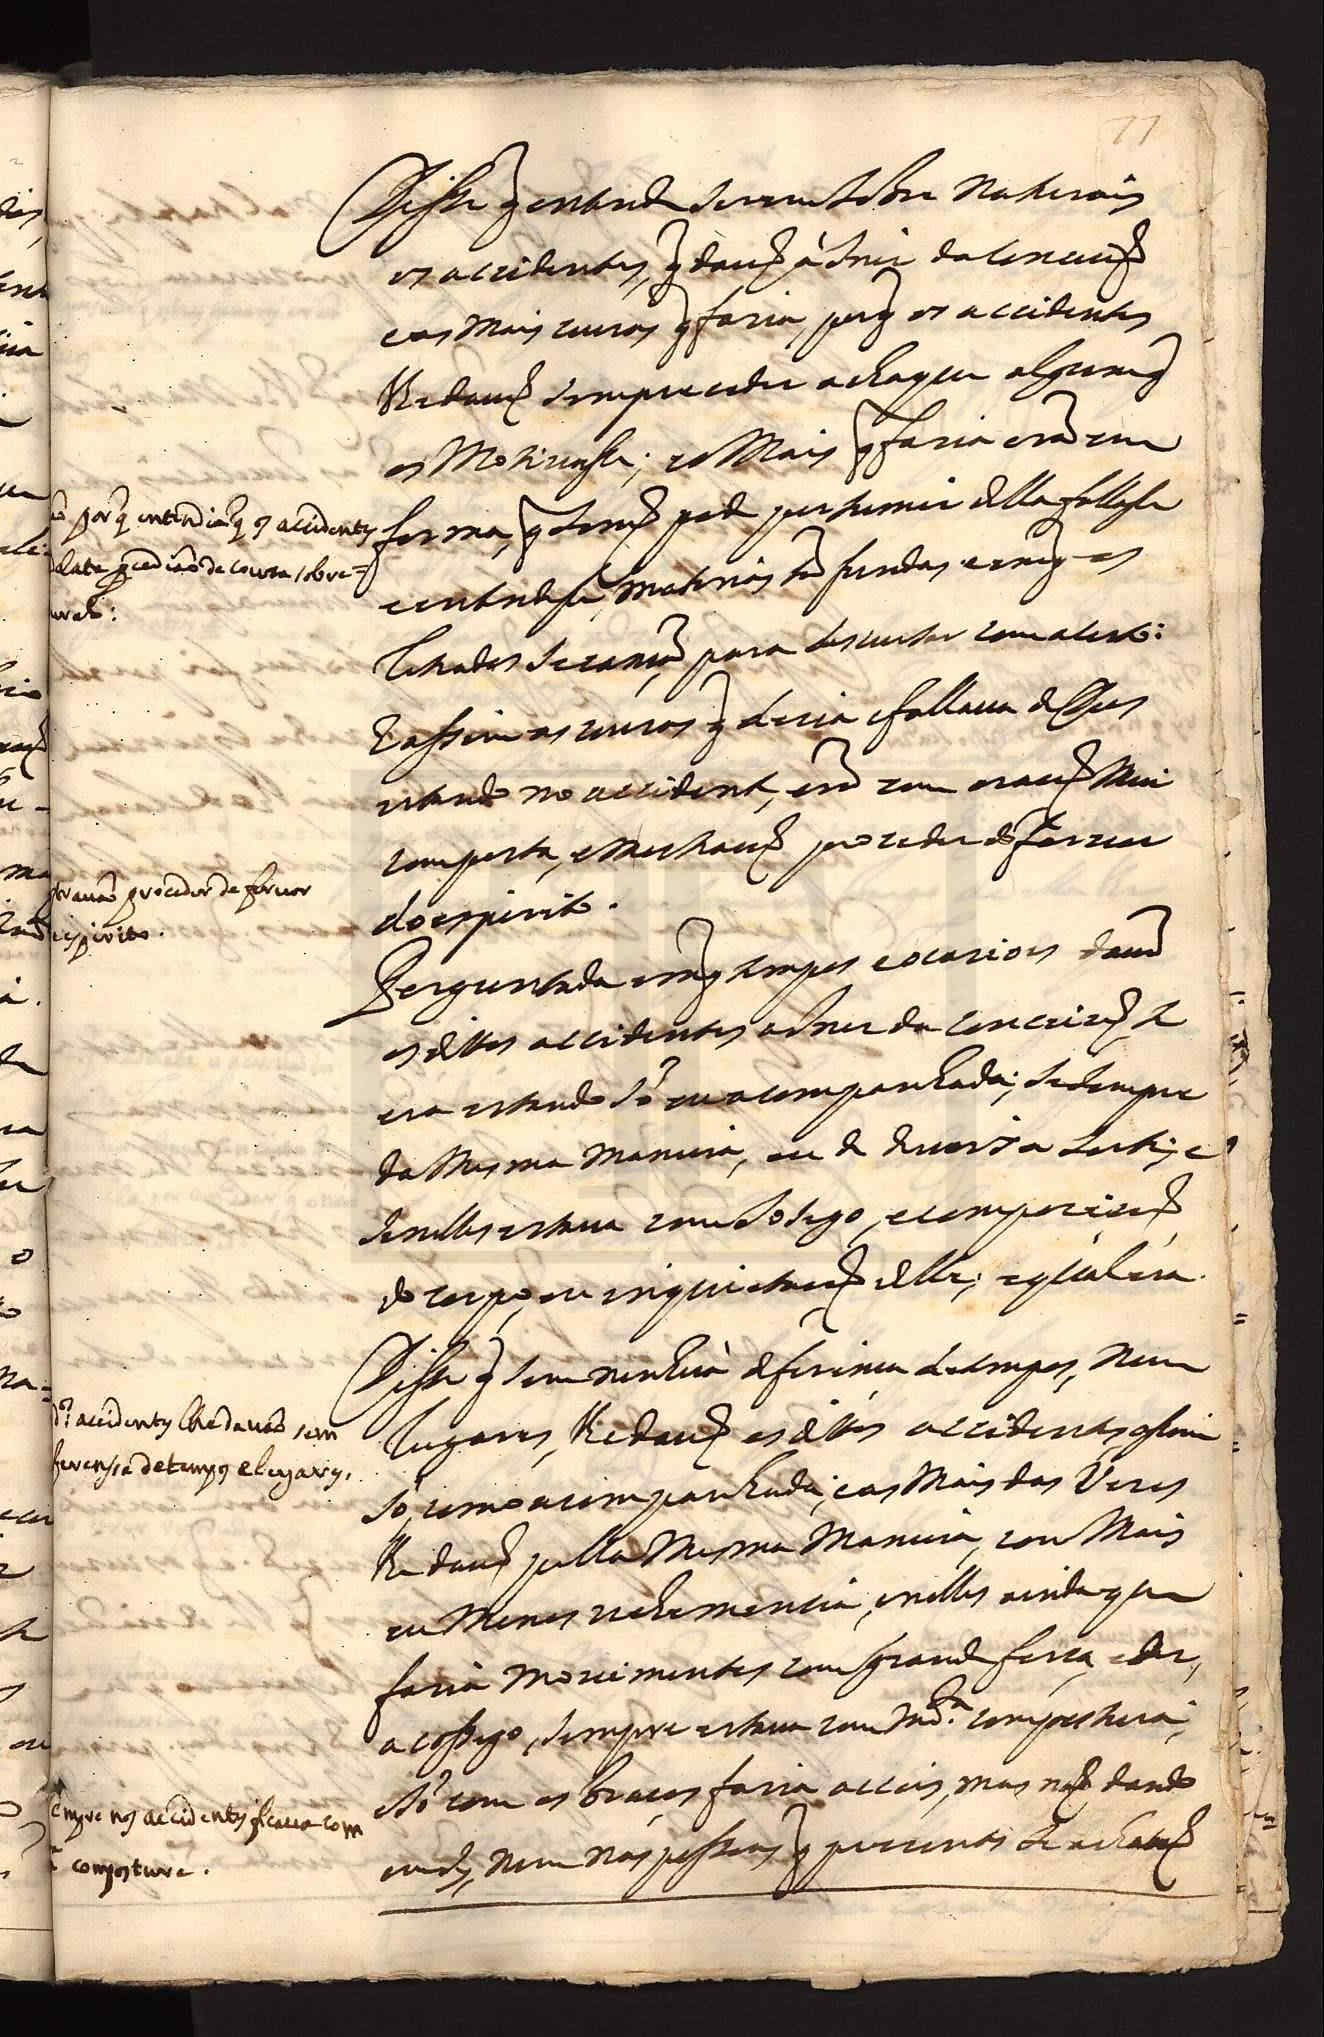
Disse q̄ entende serem sobrenaturais
os accidentes, q̄ dauaõ à Ines da Conceiçaõ
e as mais couzas q̄ fazia, porq̄ os accidentes
lhe dauaõ sem preceder achaque algum q̄
os motiuasse; e o mais q̄ fazia eraõ em
forma, q̄ senaõ pode persumir della fallasse
aõ porq̄ entendia q̄ os accidentes
e entendesse materias taõ fundas, e em q̄ os
elata ꝓcediaõ de couza sobre
ural:
letrados se cançaõ para discursar com acerto:
E assim as couzas q̄ dezia e fallaua de Deos
estando no accidente, eraõ com oraçaõ mui
composta, e mostrauaõ proceder do feruor
trauaõ proceder de feruor
do espirito.
e espirito
Perguntada em q̄ tempos, e ocazioes dauā
os dittos accidentes a Ines da conceiçaõ, se
era estando só ou acompanhada; se sempre
da mesma maneira, e de diuersa sorte; e
se nelles estaua com Sosego, e compoziçaõ
do corpo, ou inquietaçaõ delle; e qual era.
Disse q̄ sem nenhuā deferença de tempos, nem
d.os accidente lhe dauaõ sem
lugares, lhe dauaõ os dittos accidentes, assim
ferenssa de tempos e lugares
só, como acompanhada; e as mais das Vezes
lhe dauaõ pella mesma maneira, com mais
ou menos uehemencia, e nelles ainda que
fazia mouimentos com grande força, e des,
açossego, sempre estaua com m.ta compostura:
e só com os braços fazia acçois, mas naõ dando
empre nos accidentes ficaua com
em sy, nem nas pessoas q̄ prezentes se achauaõ
compostura.
